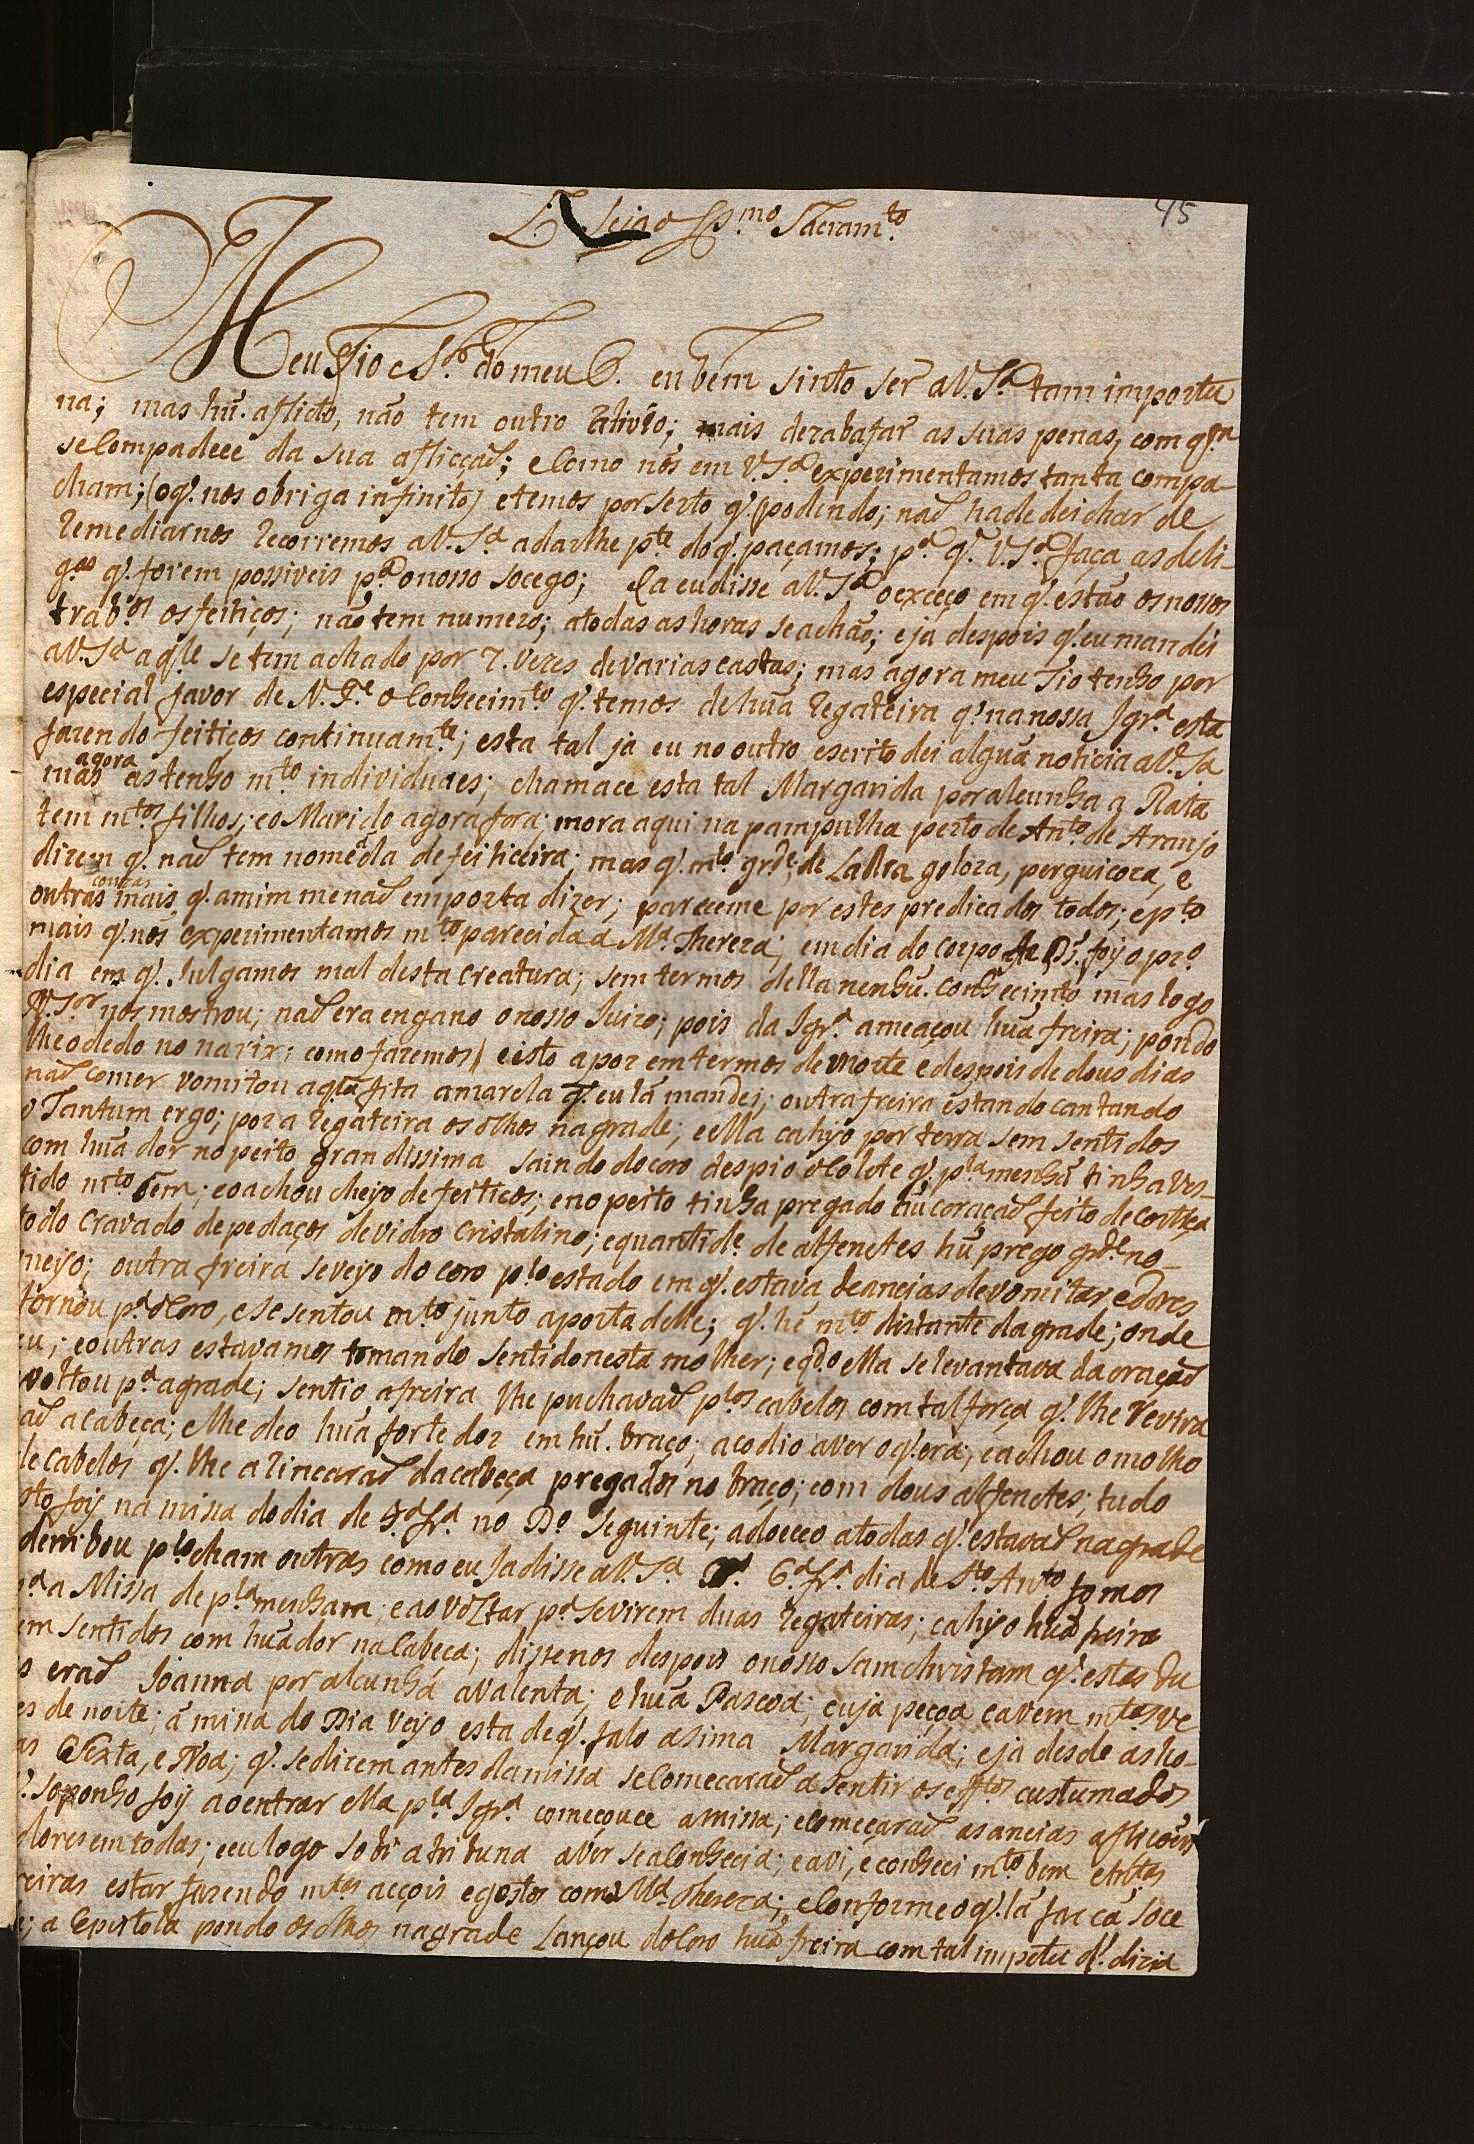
Lo Seja o SS.mo Sacram.to
Meu Tio e S.or do meu C. eu bem sinto ser a V.S.a tam importu
na; mas hū. aflicto, não tem outro ativso; mais dezabafar as suas penas, com q.m
se Compadece da sua aflicçaõ, e Como nós em V S.a experimentamos tanta compa
cham; (o q̄ nos obriga infinito) e temos por serto q̄ podendo; naõ ha de deichar de
Remediarnos Recorremos a V. S.a a darlhe p.te do q̄ paçamos; p.a q.a V. S.a faça as deli
g.as q̄ forem possiveis p.a o nosso socego; e la eu disse a V. S.a o exceço em q̄ estaõ os nossos
trab.os os feitiços; naõ tem numero; a todas as horas se achaõ; e ja despois q̄ eu mandei
a V. S.a aq.le se tem achado por 7. vezes de varias castas; mas agora meu Tio tenho por
especial favor de N. P.e o Conhecim.to q̄ temos de hūa Regateira q̄ na nossa Jgr.a esta
fazendo feitiços continuam.te; esta tal ja eu no outro escrito dei alguā noticia a V. sa
agora
mas as tenho m.to individuaes; chamace esta tal Margarida por alcunha a Rata
tem m.tos filhos; e o Marido agora fora; mora aqui na pampulha perto de Anto de Araujo
dizem q̄ naõ tem nomeada de feiticeira; mas q̄. m.to gr.de de Ladra goloza, perguicoza, e
couzas
outras mais q̄ a mim me naõ emporta dizer; pareceme por estes predicados todos; e p.to
mais q̄ nós experimentamos m.to parecida a M.a Thereza; em dia do corpo de Ds̄ foy o pr.o
dia em q̄ Iulgamos mal desta creatura; sem termos della nenhū conhecimto mas logo
N. s.or nos mostrou; naõ era engano o nosso Iuizo; pois da Igr.a ameaçou huā freira; pondo
lhe o dedo no narix; como fazemos / e isto a poz em termos de morte, e despois de dous dias
naõ comer vomitou aql̄a fita amarela q̄ eu lá mandei; outra freira estando cantando
o Tantum ergo; pos a Regateira os olhos na grade; e ella cahyo por terra sem sentidos
com huā dor no peito grandissima saindo do coro despio o colete q̄ p.la menhã tinha ves
tido m.to bem; e o achou cheyo de feiticos; e no peito tinha pregado hū coraçaõ feito de cortiça
todo cravado de pedaços de vidro cristalino; e quantide de alfenetes hū prego gr.de no
meyo outra freira se veyo do coro p.lo estado em q̄ estava de ancias de vomitar e dores
tornou p.a o coro, e se sentou m.to junto a porta delle; q̄ hé m.to distante da grade; onde
eu, e outras estavamos tomando sentido nesta molher; e qd.o esta se levantava da oração
voltou p.a a grade; sentio a freira lhe puchavaõ p.los cabelos com tal força q̄ lhe revira
aõ a cabeça; e lhe deo huā forte dor em hū braço; acodio à ver o q̄. era; e achou o molho
de cabelos q̄. lhe aRincaraõ da cabeça pregados no braço; com dous alfenetes; tudo
sto foy na missa do dia de 4.a fr.a no D.o seguinte; adoeceo a todas q̄. estavaõ na grade
derribou p.lo cham outras como eu Ja disse a V. S.a _ 6.a fr.a dia de S.to Anto fomos
.a a Missa de p.la menham; e ao voltar p.a sevirem duas Regateiras; cahyo huā freira
em sentidos com huā dor na Cabeça; dissenos despois o nosso samchristam q̄ estas du
s eraõ Ioanna por alcunha a valenta; e huā Pascoa; cuja peçoa ca vem mtas ve
es de noite; á missa do Dia veyo esta de q̄. falo asima Margarida; e ja desde as ho
as a Sexta, e Noa; q̄ se dizem antes da missa se comecaraõ a sentir os eff.tos custumados
soponho foy ao entrar ella p.la Igr.a começouce a missa; e começaraõ as ancias afliçoẽns
dores em todas; e eu logo sobi a tribuna a ver se a conhecia; e a vi, e conheci m.to bem e m.tas
reiras estar fazendo mtas acçois e gestos com a M.a Thereza; e conforme o q̄ lá facçá soce
; a Epistola pondo os olhos na grade Lançou do coro huā freira com tal impetu q̄. dizia
